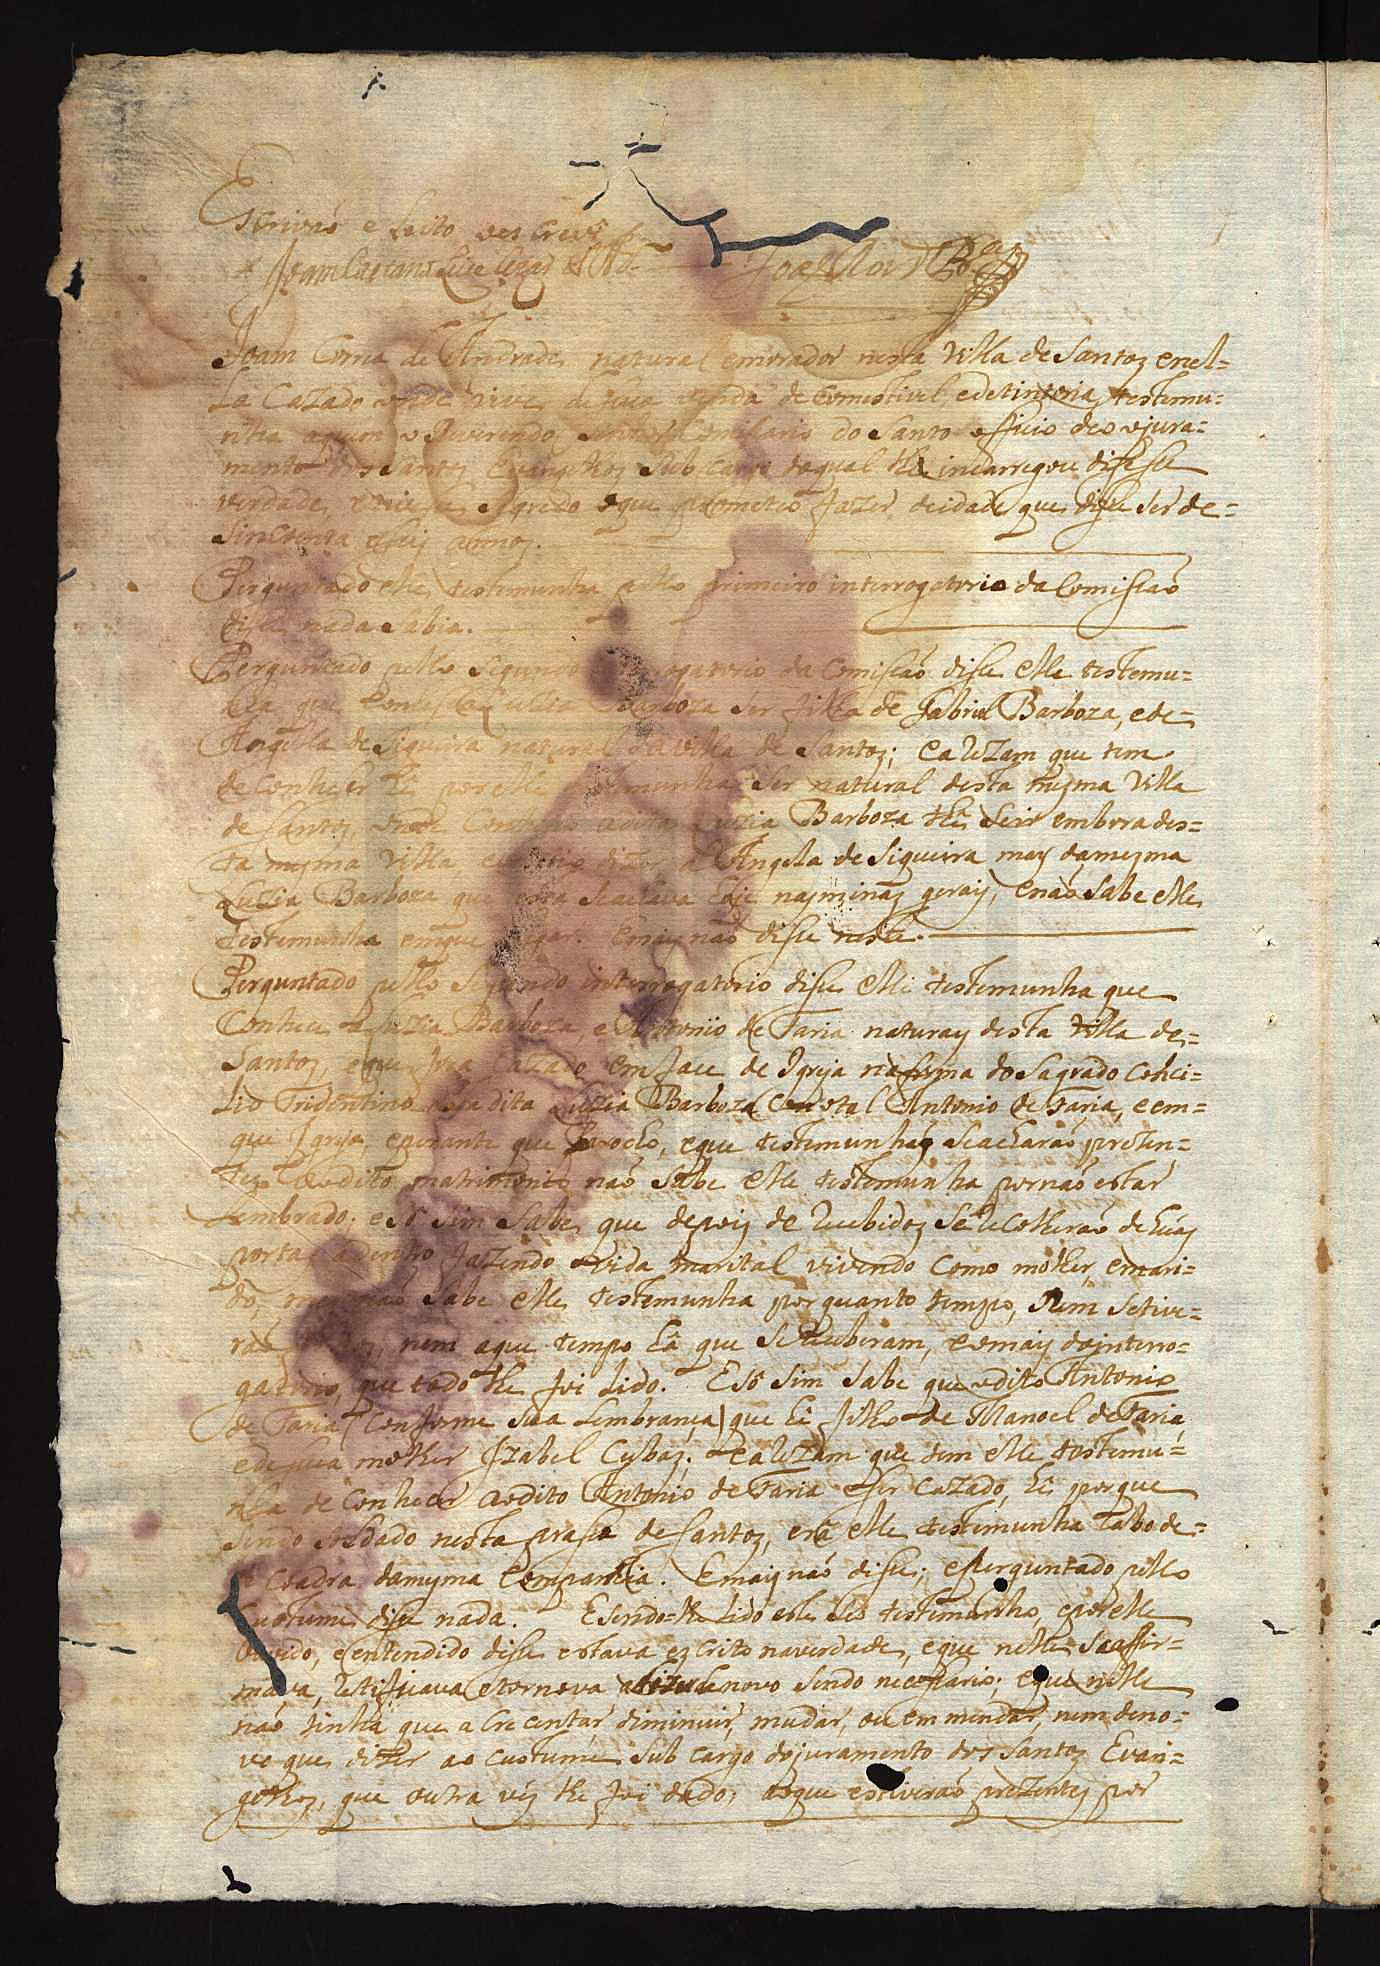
Escrivaõ eLeito o escrevi
Joam Cartano Leite Cezar de Az.o
Joaõ Roiz̄ Pra
Ioam Correa de Andrade natural e morador nesta Villa de Santos e nel
La Cazado onde vive de sua venda de comestivel, e de tintoria, testemu
nha a quem o Reverendo senhor Comissario do Santo officio deo o jura
mento dos Santos Euangelhos sob cargo do qual lhe incarregou disesse
verdade, e tivesse segredo o que prometeo fazer de idade que disse ser de
sincoenta e seis annos.
Perguntado elle testemunha pello primeiro interrogatorio da Comissaõ
disse nada sabia.
Perguntado pello segundo rogatorio da Comissaõ disse elle testemu
nha que Conhesse a Luzia Barboza ser filha de Gabriel Barboza, e de
Angella de Siqueira natural da villa de Santos; e a Rezam que tem
de conheser hé por ella temunha ser natural desta mesma Villa
de santos onde Con a ditta Luzia Barboza thê Se ir embora des
ta mesma Villa, e _io dizer a Angela de Siqueira may da mesma
Luzia Barboza que essa se achaua hoje nas minas gerais, e naõ sabe elle
testemunha em que lugar. E mais naõ disse neste.
Perguntado pello segundo interrogatorio disse elle testemunha que
Conhece da Luzia Barboza, e Antonio de Faria naturaes desta Villa de
Santos, e que fora Cazado em face de Igreja na forma do Sagrado conci
Lio Tridentino dita Luzia Barboza con o tal Antonio de Faria, e em
que Jgreja, e perante que Parrocho, e que testemunha q̄ se acharaõ prezen
tes ao dito matrimonio naõ sabe elle testemunha por naõ estar
Lembrado; e só sim Sabe que depois de Recebidos se Recolheraõ de huās
portas adentro fazendo vida marital vivendo como molher, e mari
do, mas naõ sabe elle testemunha por quanto tempo, nem se tive
raõ f os, nem a que tempo hâ que se Receberam, e o mais do interro
gatorio, que todo lhe foi Lido. E sô sim sabe que o dito Antonio
de Faria (Conforme sua Lembrança) que hêé filho de Manoel de Faria,
e de sua molher Jzabel Cubas; e a Rezam que tem elle testemu
nha de conhecer ao dito Antonio de Faria e ser cazado, hê porque
sendo soldado nesta prassa de santos, era elle testimunha cabo de
Coadra da mesma Companhia. E mais naõ disse; e perguntado pello
ustume disse nada. E sendo-lhe lido este seo testemunho, e por elle
ouvido, e entendido disse estava escrito na verdade, e que nelle se affir
mava, Ratificaua e tornava a dizer de novo sendo necessario; e que nelle
não tinha que aCrecentar, diminuir, mudar, ou emmendar, nem de no
vo que dizer ao custume sub cargo do juramento dos Santos Evan
gelhos, que outra vés lhe foi dado, ao que estiueraõ prezentes por
